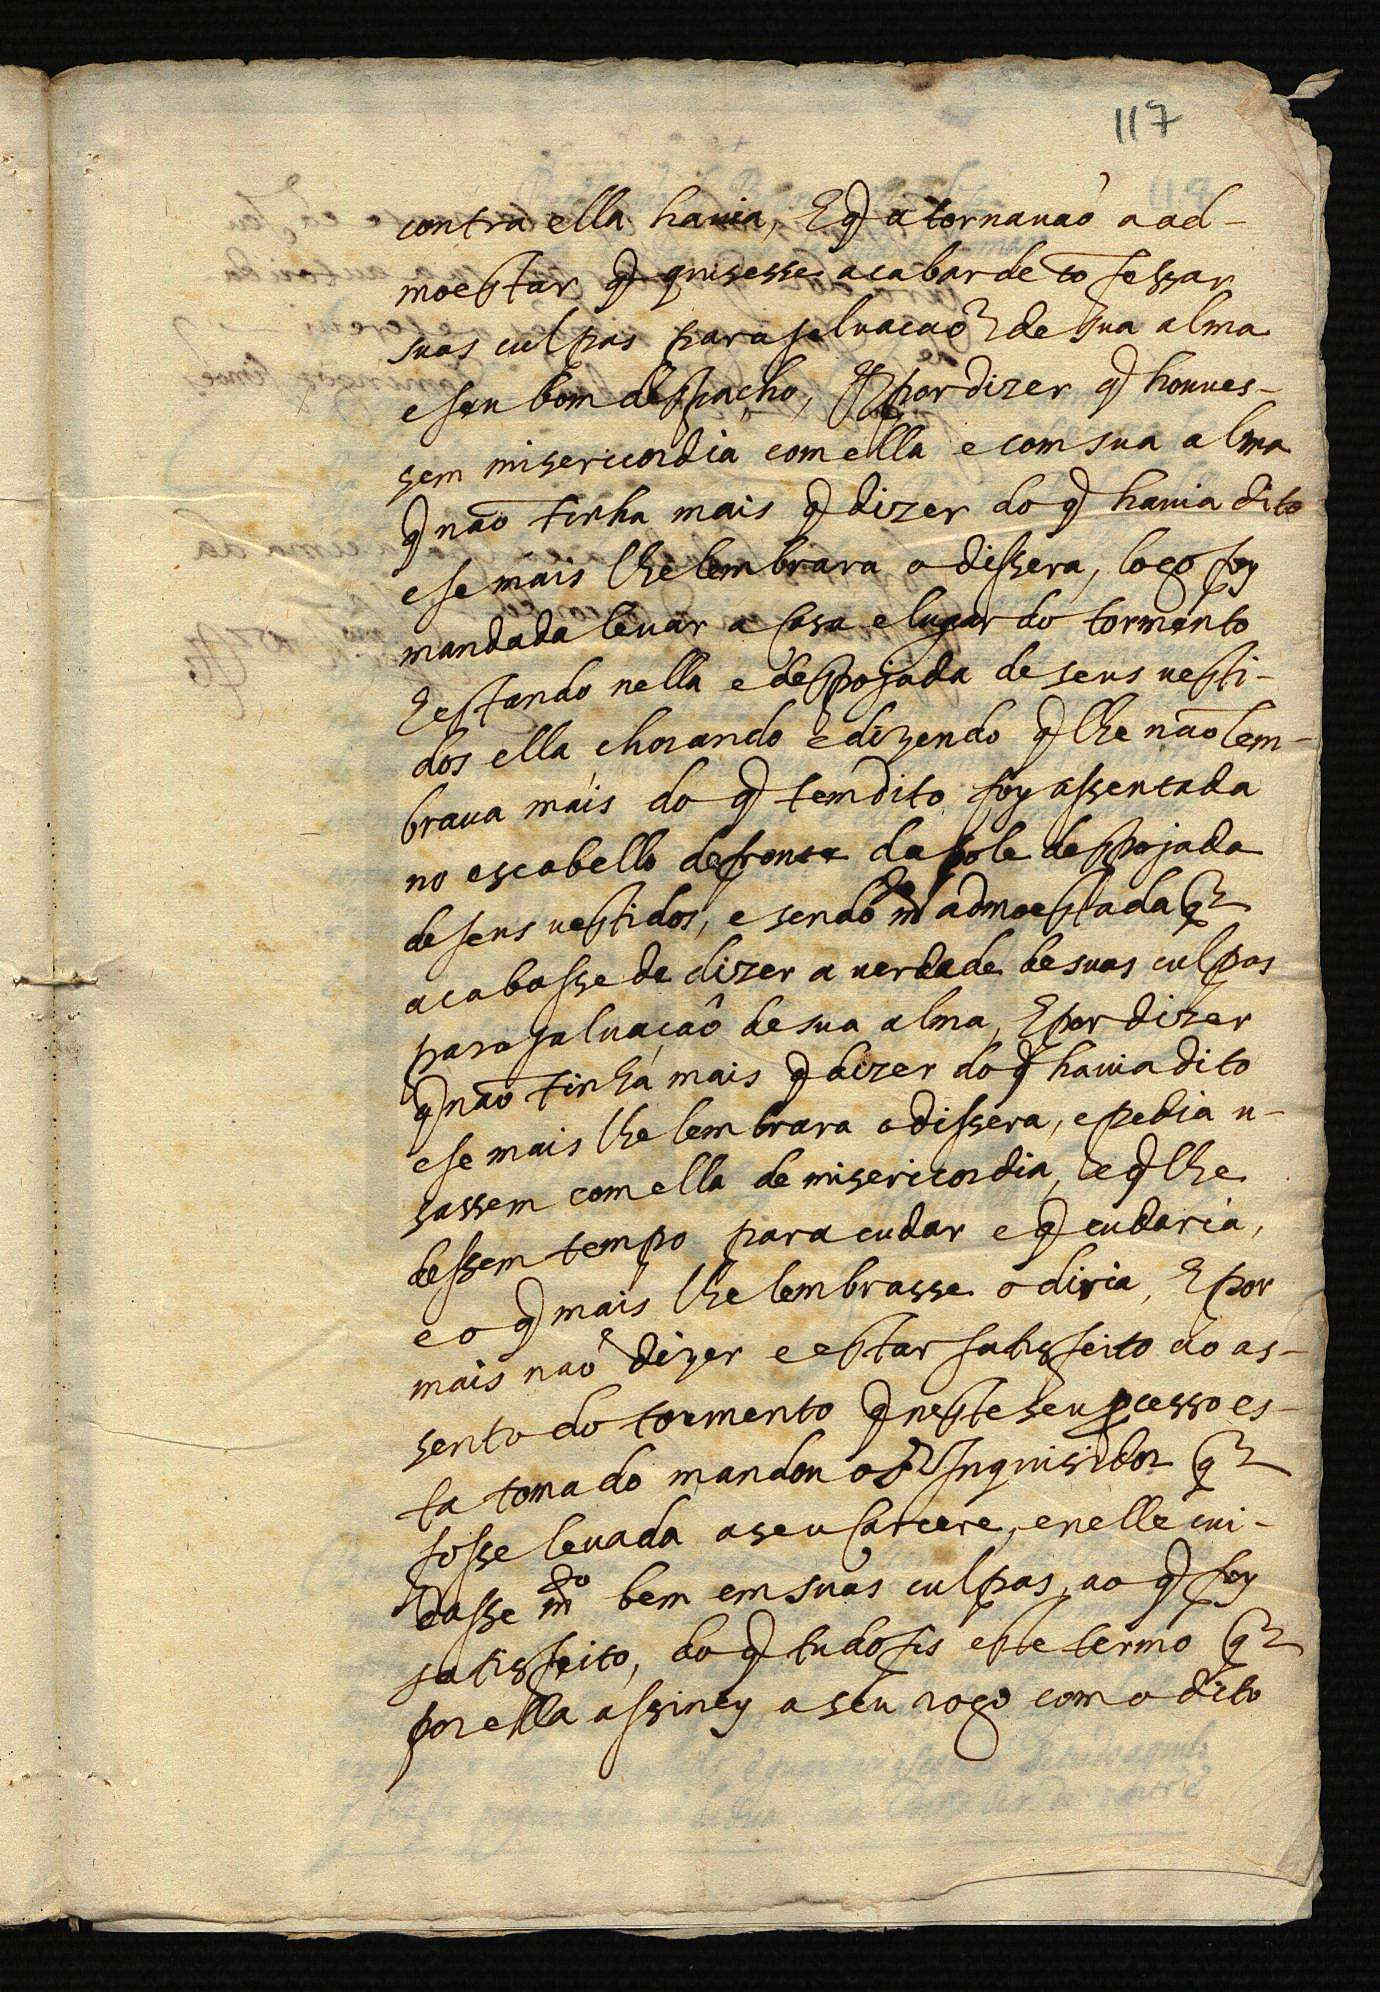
contra ella hauia, E q̄ a tornauaõ a ad
moestar q̄ quisesse acabar de cōfessar
suas culpas para saluaçaõ de sua alma
e seu bom despacho, & por dizer q̄ houues
sem misericordia com ellla e com sua alma
q̄ naõ tinha mais q̄ dizer do q̄ hauia dito
e se mais lhe lembrara o dissera, logo foy
mandada leuar a Casa e lugar do tormento
E estando nella e despojada de seus uesti
dos ella chorando e dizendo q̄ lhe não lem
braua mais do q̄ tem dito foy assentada
no escabello defronte da pole despojada
de seus uestidos, e sendo mto admoestada q̄
acabasse de dizer a uerdade de suas culpas
para saluaçaõ de sua alma, E por dizer
q̄ nao tinha mais q̄ dizer do q̄ hauia dito
e se mais lhe lembrara o dissera, e pedia u
sassem com ella de misericordia, e q̄ lhe
dessem tempo para cudar e q̄ cudaria
e o q̄ mais lhe lembrasse o diria, E por
mais naõ dizer e estar satisfeito do as
sento do tormento q̄ neste seu ꝓcesso es
ta tomado mandou o sor Jnquisidor q̄
fosse leuada a seu Carcere, e nelle cui
dasse mto bem em suas culpas, ao q̄ foy
satisfeito, do q̄ tudo fis este termo q̄
por ella assiney a seu rogo com o dito
